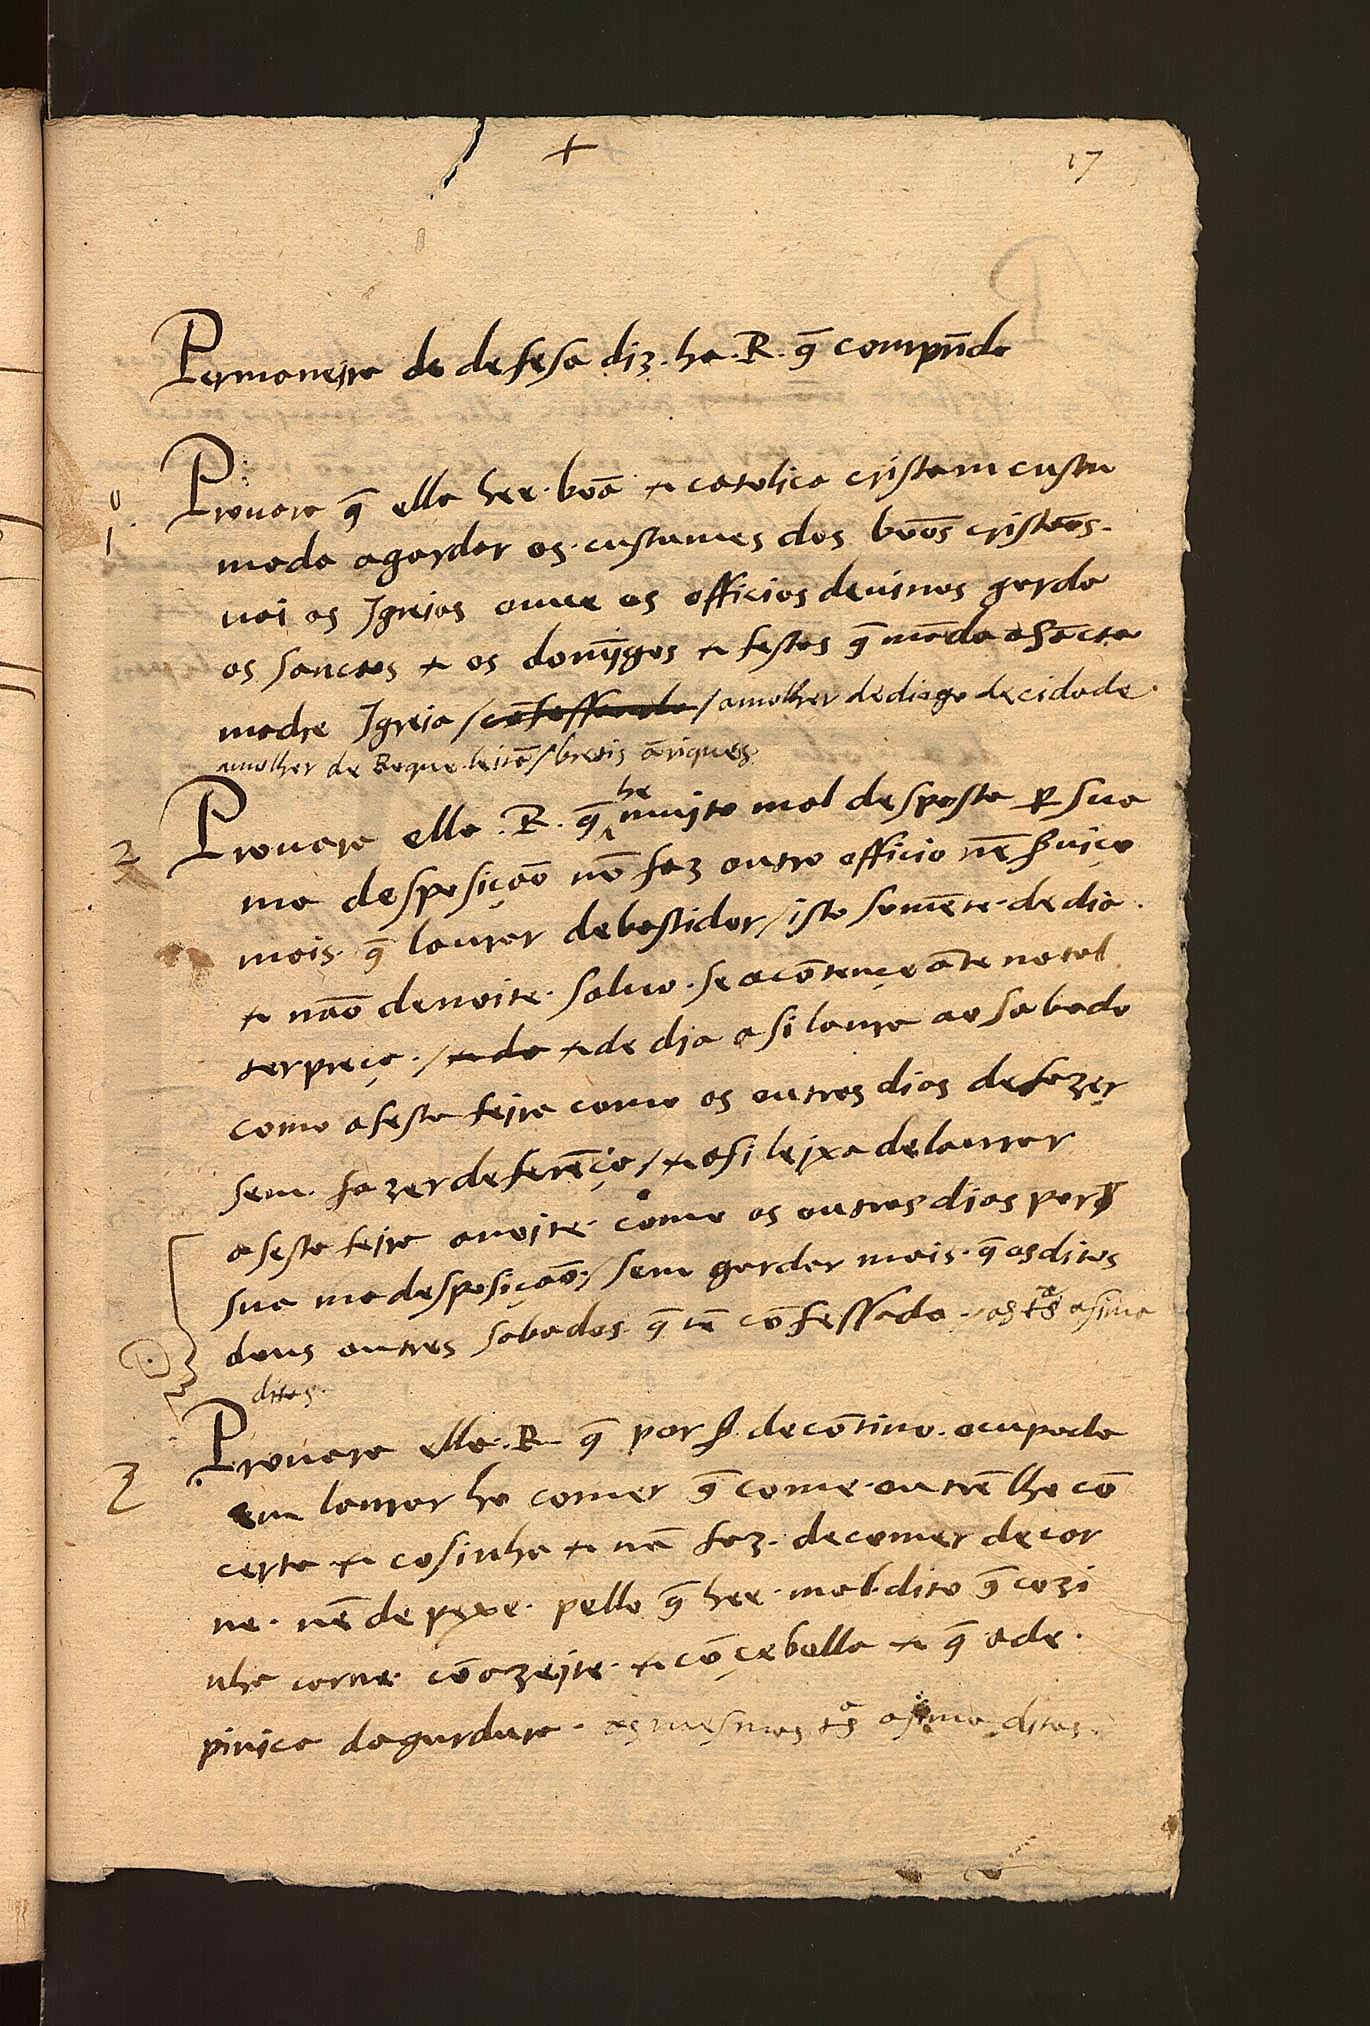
17
Per maneira de defesa diz ha .R. q̄ comprīdo
1.º Prouara q̄ ella he boā e catolica cristam custu
mada a gardar os custumes dos bōos cristaõs
uai as Jgreias ouue os officios deuinos garda
os sanctos e os domj̄gos e festas q̄ māda a Sācta
madre Jgreia / cōfessando / a molher de diogo de cidade
a molher de Roque leitā / bretis āriques
2 Prouara ella .R. q̄
he
mujto mal desposta ꝑ sua
ma desposiçaõ nō faz outro officio nē ꞩuiço
mais q̄ laurar de bastidor / isto somēte de dia
e não de noite. saluo se acōteçe ante no tal
ter preça ./ e da e de dia asi laura ao sabado
como a sesta fejra como os outros dias de fazer
sem fazer deferēça / e asi lejxa de laurar
a sesta feira a noite. como os outros dias por q̄
sua ma desposiçaõ ./ sem gardar mais. q̄ os ditos
dous ou tres sabados q̄ tē cōfessado / as tas asima
ditas.
3 Prouara ella .R. q̄ por ꞩ de cōtino ocupada
em laurar ho comer q̄ come outrē lhe cō
certa e cosinha e nā faz. de comer de car
ne. nē de pexe. pello q̄ hee mal dito q̄ cozi
nha carne cō azejte. e cō çebolla e q̄ a de
pinica da gurdura. as mesmas tas asima ditas.
